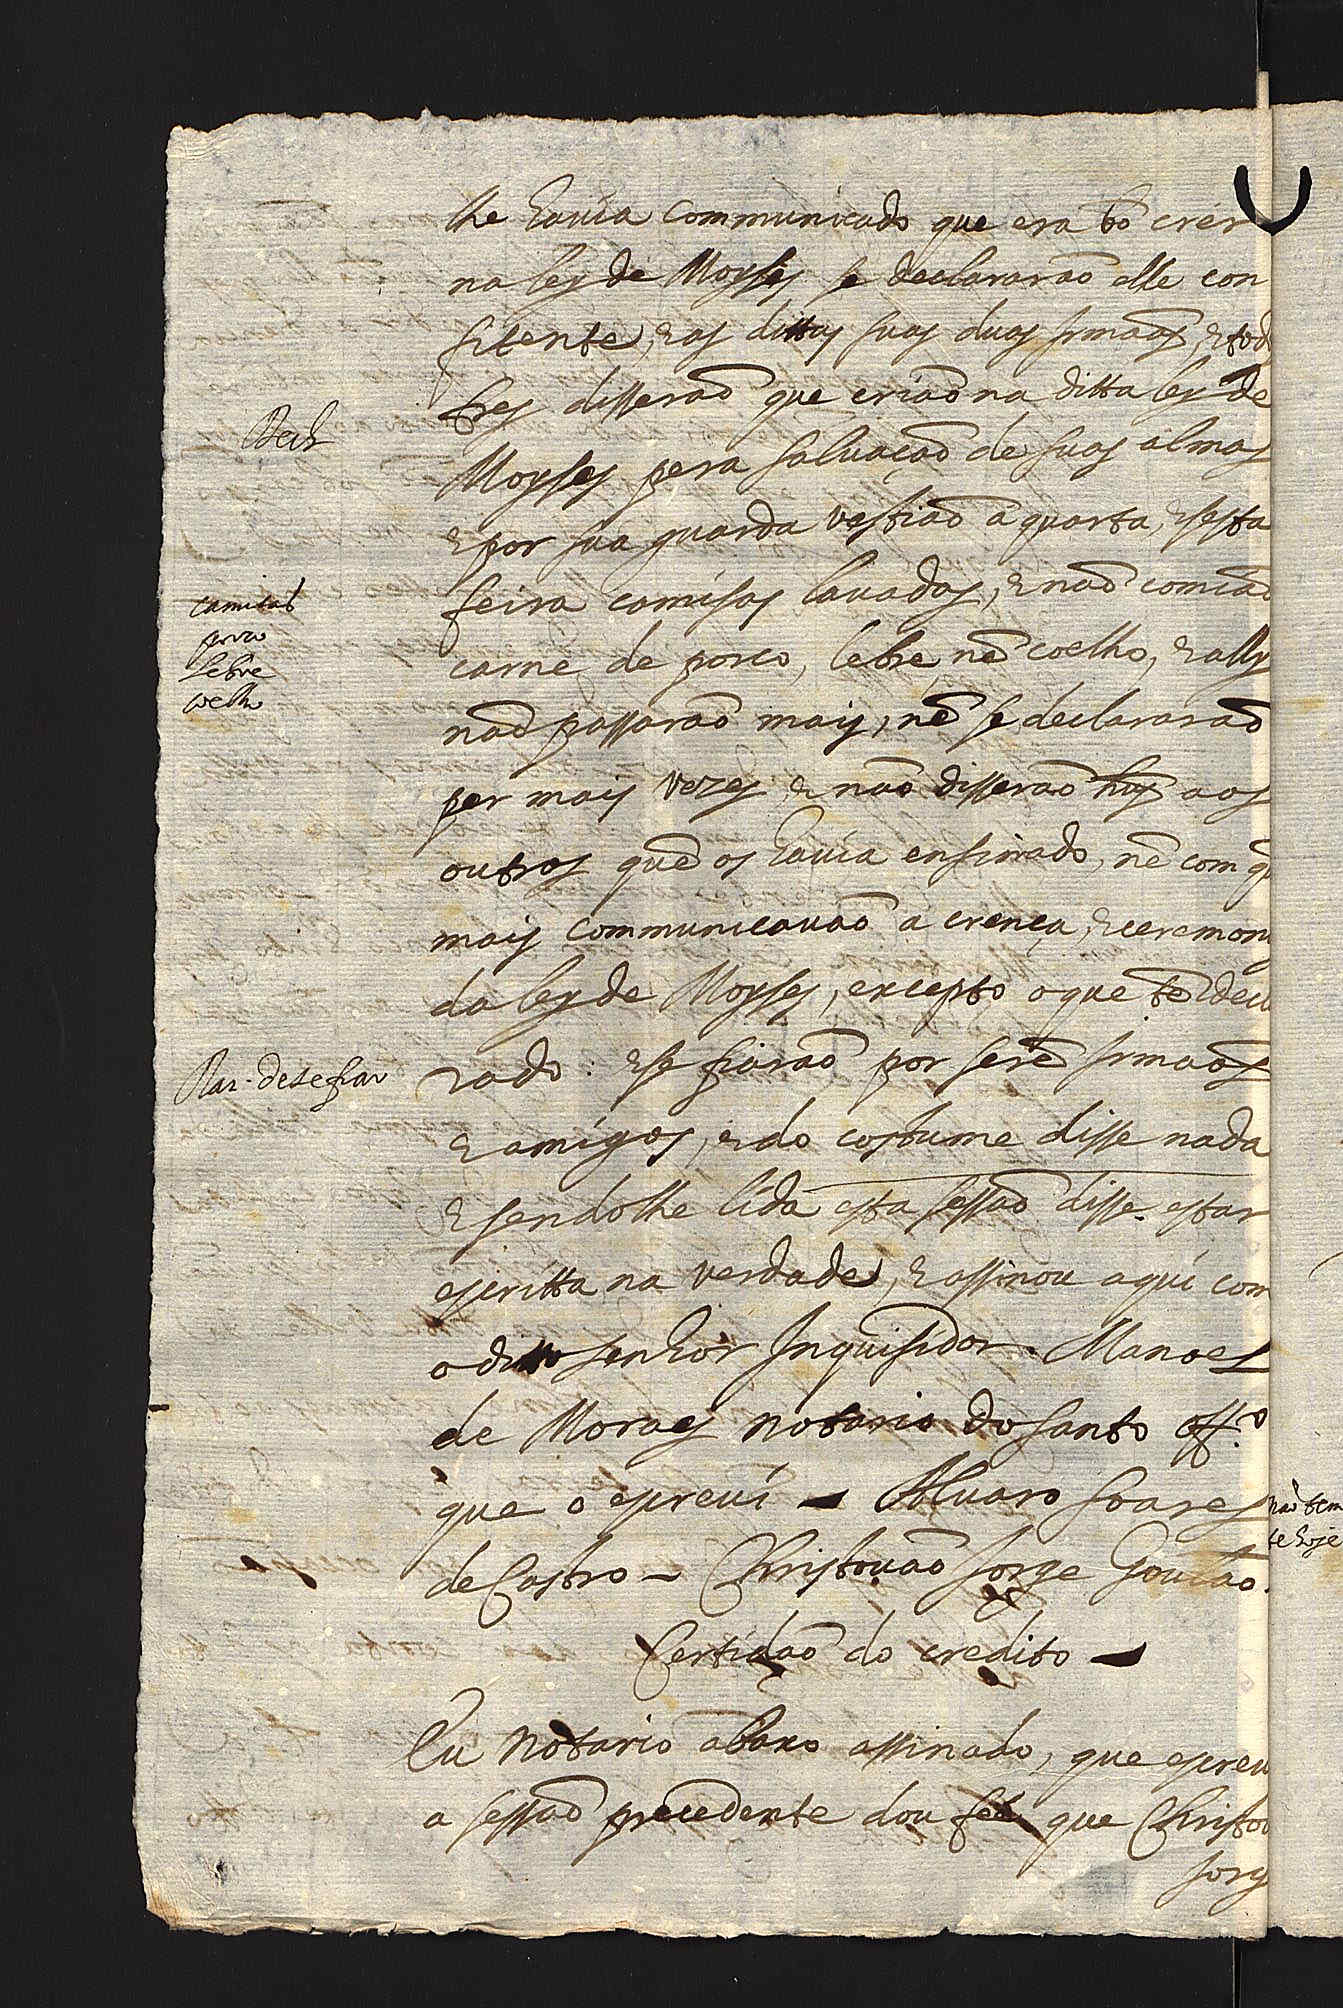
DecL
camisas
porco
Lebre
coelho
Raz. de se fiar
lhe hauia communicado que era bō crer
na ley de Moyses se declararão elle con
fitente, E as dittas suas duas Jrmaãs, e tod_
tres disseraõ que crião na ditta ley de
Moyses pera saluaçaõ de suas almas
E por sua guarda vestiaõ á quarta, E sesta
feira camisas lauadas, E não comiaõ
carne de porco, lebre, nē coelho, E ally
naõ passarão mais, nē se declararaõ
per mais vezes, E não disserão hūs aos
outros quē os hauia ensinado, nē com q̄
mais communicauão a crença, E ceremon_
da ley de Moyses, excepto o que tē dec_
rado: E se fiarão por serē jrmaõs
E amigos, E do costume disse nada
E sendolhe lida esta sessaõ disse estar
escritta na verdade, E assinou aqui com
o ditto senhor Jnquisidor Manoel
de Moraes notario do santo off.o
que o escreui - Aluaro soares
de Castro - Christouão Jorge Goulão
Certidaõ do credito -
Eu notario abaxo assinado, que escreu_
a sessão precedente dou feé que Christo_
Jorg_
